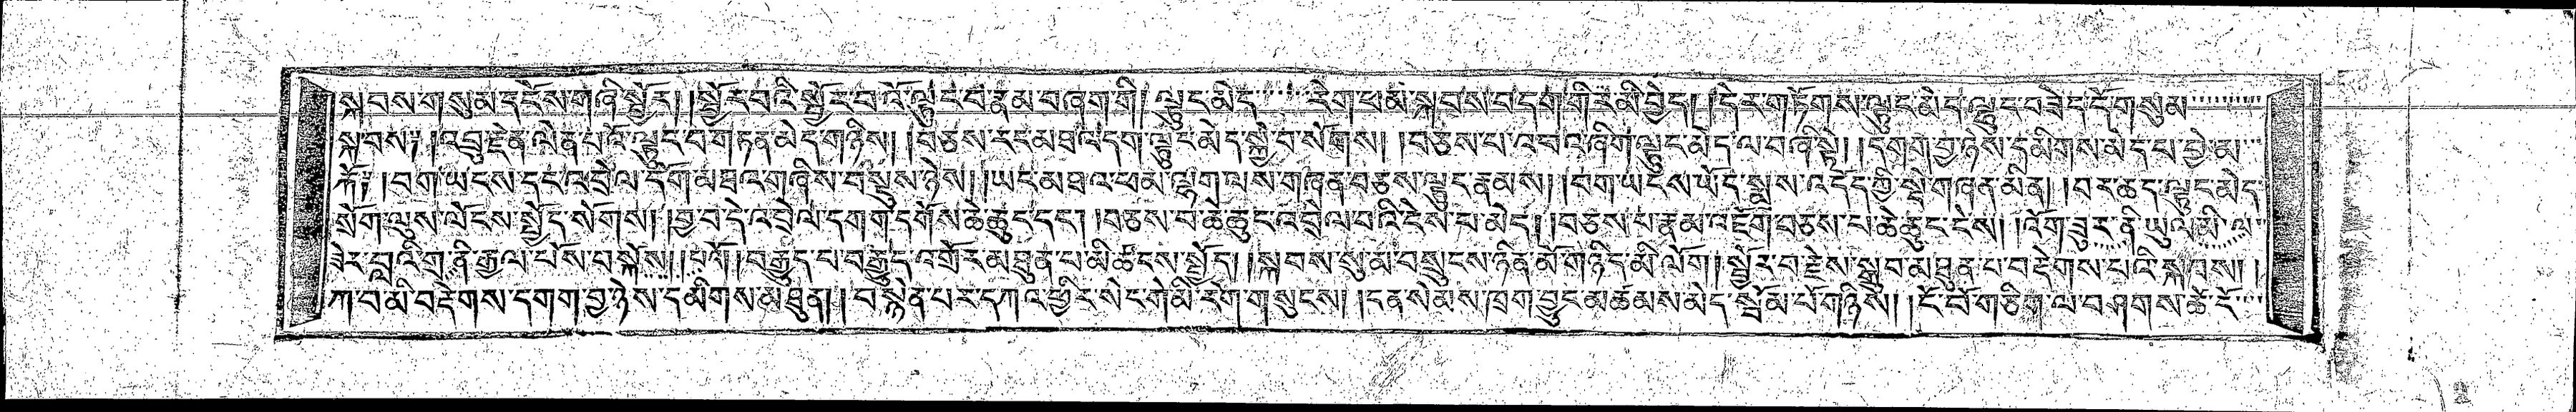སྐབས་གསུམ་དངོས་གཞི་སྦྱོར། །སྦྱོར་བའི་སྦྱོར་བའོ་ལྟུང་བ་རྣམ་བཞག་གི །ལྟུང་མེད་རེག་ཕམ་སྐབས་བདག་གིར་མི་བྱེད། །དེར་གཏོགས་ལྟུང་མེད་ལྷུང་བཟེད་དོ་གསུམ་
སྐབས༑ །འབྲུ་རྗེན་ལེན་པའོ་ལྟུང་བ་གཏན་མེད་གཉིས། །བཅས་རང་མཐའ་དག་ལྟུང་མེད་སྐྱེ་བ་སོགས། །བཅས་པ་འབའ་ཞིག་ལྟུང་མེད་ལ་བཞི་སྟེ། །དགག་བྱ་ཉེས་དམིགས་མེད་པ་བྱེ་མ་
རྐོ༑ །བག་ཡངས་དང་འབྲེལ་དོག་མཐའ་གཞིས་བསྡུས་ཉེས། །ཡང་མཐའ་ཕམ་ལྷག་ལས་གཞན་བཅས་ལྟུང་རྣམས། །བག་ཡང་ཡོད་སྨྲས་འདོད་ཀྱི་སྡེ་གཞན་མིན། །བར་ཆད་ལྟུང་མེད་
སྲོག་ལུས་ལོངས་སྤྱོད་སོགས། །བྱ་བ་དེ་འབྲེལ་དགག་དགོས་ཆེ་ཆུང་དང་། །བཅས་བ་ཆེ་ཆུང་འབྲེལ་བའི་ངེས་པ་མེད། །བཅས་པ་རྣམ་འཇོག་བཅས་པ་ཆེ་ཆུང་ངེས། །འོག་ཟུར་ནི་ཡུལ་མི་ལ་
ཟེར་བླའི་གྲ་ནི་རྒྱལ་པོས་བསྐོས། །པའོ། །བརྒྱུད་པ་བརྒྱུད་འགྲོར་མཐུན་པ་མི་ཚངས་སྤྱོད། །སྐབས་སུ་མ་བསྲུངས་ཉིན་མོ་གཉིད་མི་ལོག །སྦྱོར་བ་རྗེས་སྒྲུབ་མཐུན་པ་བརྡེགས་པའི་སྐབས། །
ཀ་བ་མི་བརྡེགས་དགག་བྱ་ཉེས་དམིགས་མཐུན། །བསྙེན་པར་དཀའ་ཕྱིར་སེང་གེ་མི་རེག་གསུངས། །ངན་སེམས་ཁྲག་བྱུང་མཚམས་མེད་སྦོམ་པོ་གཉིས། །ངོ་བོ་གཅིག་ལ་བཤགས་ཚེ་ངོ་